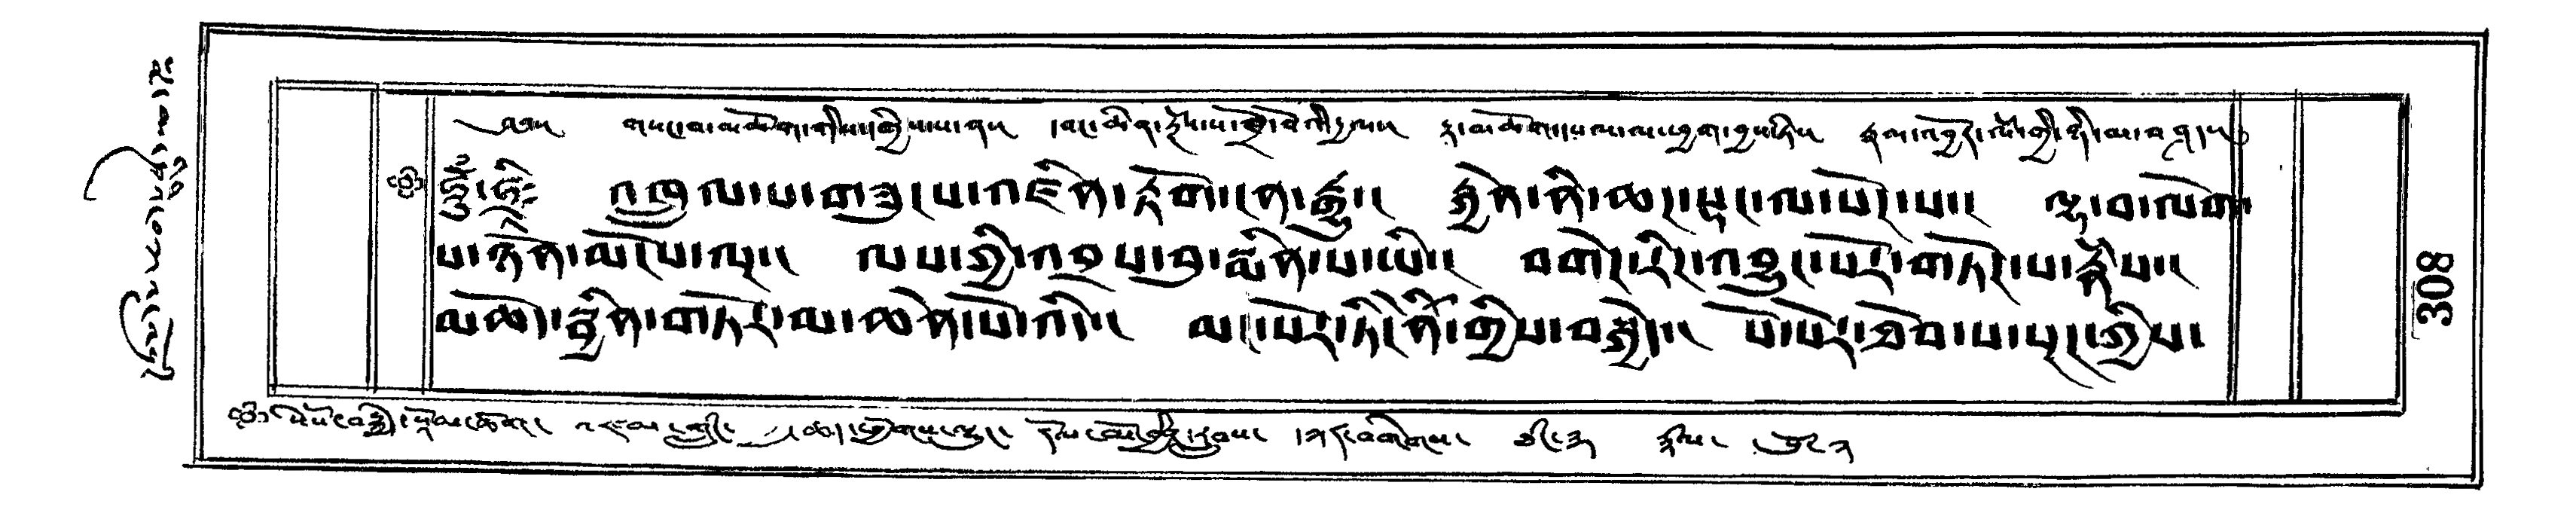གསང་བ་མཆོག་གི་དགྱེས་པ་ན། །དབང་ཆེན་རྔམས་པ་ཁྲོ་བོའི་རྒྱལ། །རྟ་མཆོག་དཔལ་ལ་ཕྱག་བྱས་ཏེ། །རྣལ་འབྱོར་ལམ་གྱི་ཉི་མ་བཤད། 
ཧཱུྃ་ཧྲཱིཿ འཁྲུལ་པ་གཟུང་འཛིན་རྟོག་ངན་རྒྱུ། །རྐྱེན་ནི་ཆགས་སྡང་ལ་སོགས་པ། །ལྟ་བ་ལོག་
པ་ཉོན་མོངས་ལྔ། །ལས་ཀྱི་འབྲས་བུ་སྨིན་པ་ཡི། །བགེགས་རིགས་འབྱུང་པོར་གཏོགས་པ་རྣམས། །
མཆོད་བྱིན་གཏོར་མ་ཆེན་པོ་འདི། །མང་པོར་ཏིང་ངེ་འཛིན་གྱིས་བསྐྱེད། །སོ་སོར་ཐོབ་པ་སྔགས་ཀྱིས་